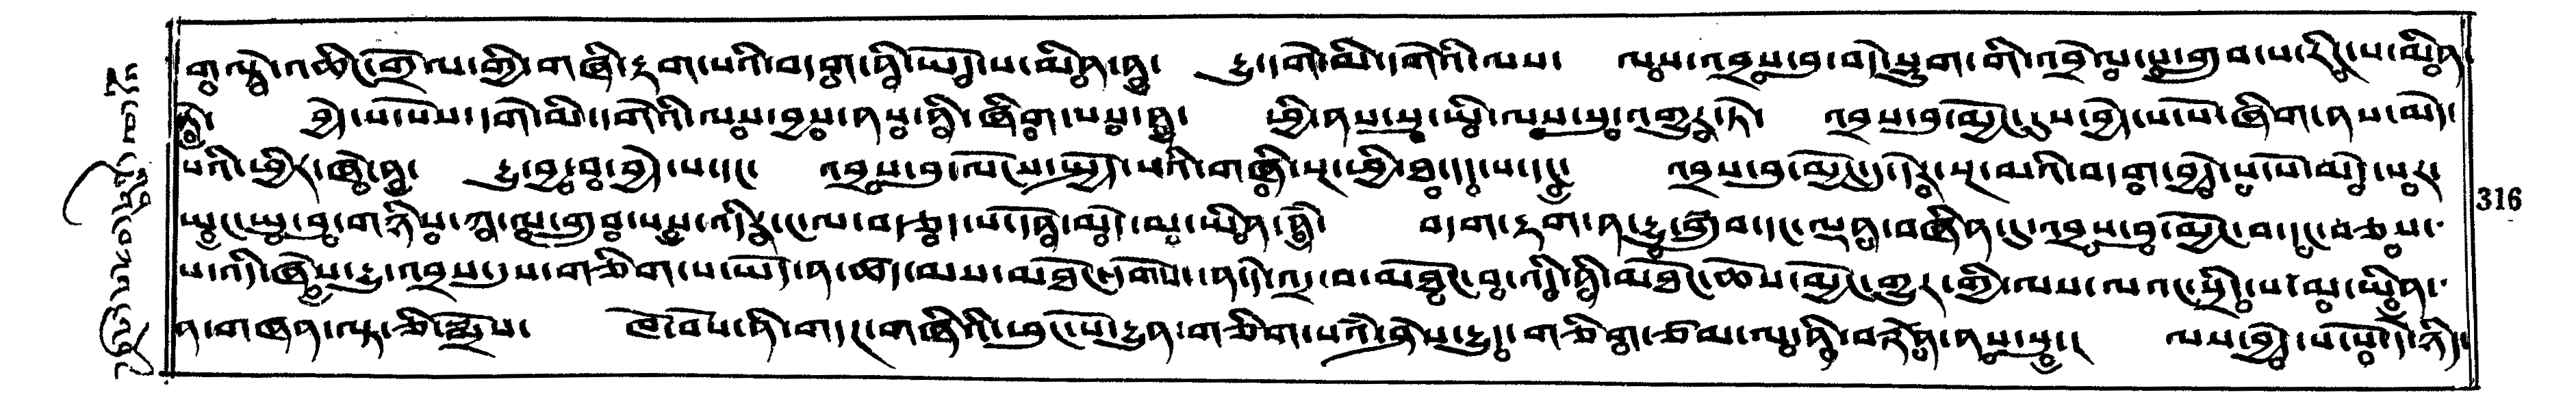གལ་ཏེ་འཆིང་གྲོལ་གྱི་གཞི་རྟག་པའི་བདག་ནི་ཡོད་པ་མིན་ན། རྒྱུ་དགེ་མི་དགེའི་ལས་ལས་འབྲས་བུ་བདེ་སྡུག་གི་འབྲེལ་བ་གྲུབ་པ་རིགས་པ་མིན་
ཏེ། བྱེད་པ་པོས་དགེ་མི་དགེའི་ལས་བྱས་ནས་ནི་ཞིག་པས་ན། ཕྱིས་ནས་སུ་ཡི་ལས་སུ་འགྱུར་ཏེ་འབྲས་བུ་མྱོང་དུས་བྱེད་པ་པོ་ཞིག་ནས་མེད་
པའི་ཕྱིར་ཞེ་ན། རྒྱུ་བྱ་བ་བྱེད་པ་དང་། འབྲས་བུ་ལོངས་སྤྱོད་པའི་གཞི་སྔ་ཕྱི་ཐ་དད་པ་དང་། འབྲས་བུ་མྱོང་དུས་དེར་སྔ་མའི་བདག་བྱེད་པ་པོ་མེད་པར་
ཡང་ཡུ་བུ་གཉིས་ཀ་ལ་གྲུབ་པས་འདིར་ང་ལ་བརྩད་པ་དོན་མཻད་མ་ཡིན་ནམ། བདག་རྟག་ན་རྒྱུ་སྒྲུབ་དང་ལྡན་བཞིན་དུ་འབྲས་བུ་མྱོང་བ་དང་བཅས་
པ་འདི་ཞེས་རྒྱུ་འབྲས་དུས་གཅིག་པ་ཡོད་ན་ཚད་མས་མཐོང་དགོས་ན་དེ་འདྲ་བ་མཐོང་བ་འདི་ནི་མཐོང་ཆོས་མྱོང་གྱུར་གྱི་ལས་ལའང་སྲིད་པ་མ་ཡིན་
ན་གཞན་ལྟ་ཅི་སྨྲོས། ཁོ་བོས་ནི་གདགས་གཞིའི་ཕུང་པོ་རྒྱུན་གཅིག་པའམ་ཤེས་རྒྱུད་གཅིག་ཙམ་ལ་ནི་བརྟེན་ནས་སུ། ལས་བྱེད་པ་པོ་དེ་ཉིད་